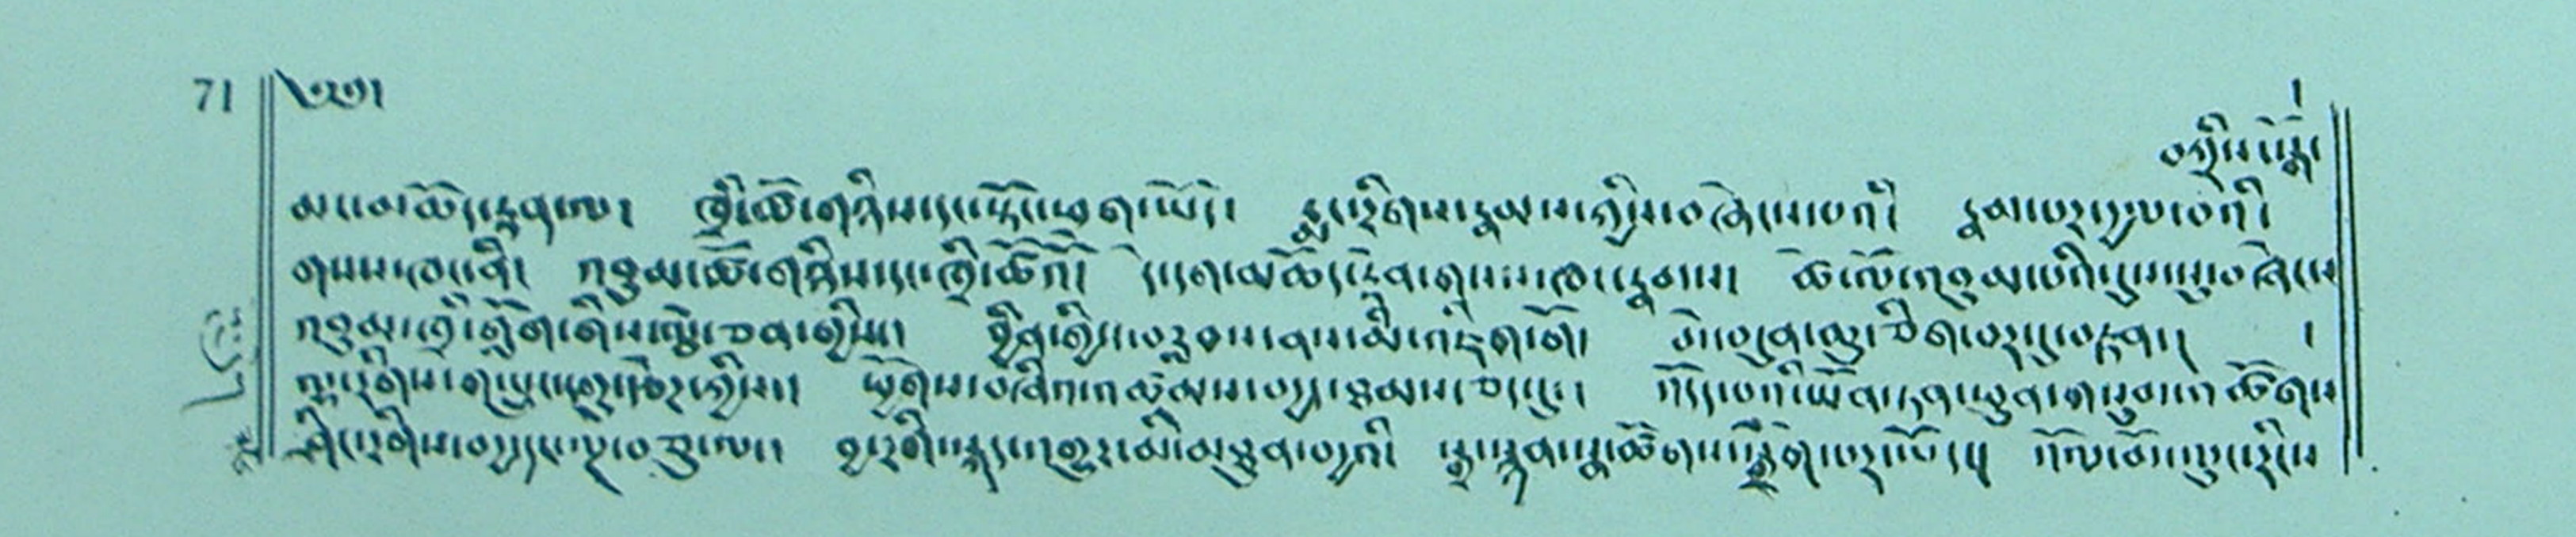༄༅། །བཀྲ་ཤིས་སྒོ་མང་མཆོད་རྟེན་ལ། ཁྲི་ཚོ་གཉིས་དང་སྟོང་ཕྲག་ཡོད། རྨང་རིགས་རྣམས་ཀྱིས་བཞེངས་པའི། རྣམ་པར་རྒྱལ་བའི་
གསས་ཁང་ནི། འབུམ་ཚོ་གཉིས་དང་ཁྲི་ཚོའོ། །དེ་དག་མཆོད་རྟེན་གསས་ཁང་རྣམས། ཚེ་ལོ་འབུམ་བའི་དུས་སུ་བཞེངས། 
འབུམ་ཁྲི་གློག་གི་ལྕེ་ཅན་གྱིས། བྱིན་གྱིས་བརླབས་ནས་མི་འཇིག་གོ །མེ་བདུན་ཆུ་གཅིག་བར་དུ་བརྟན། 
ལྷ་རིགས་གཡུང་དྲུང་དགུ་བརྩེགས་ཀྱིས། ཕྱོགས་བཞི་འཚམས་བརྒྱད་ཐམས་ཅད་དུ། འདོད་པའི་ཡོན་ཏན་ཕུན་སུམ་ཚོགས། 
ཤིང་རིགས་བརྒྱ་དང་ལྔ་བཅུ་ལ། བྱ་རིགས་སྐད་འགྱུར་མི་མཐུན་བརྒྱའི། སྐད་སྙན་སྣ་ཚོགས་སྒྲོག་པ་ཡོད། འོལ་མོ་ལུང་རིང་